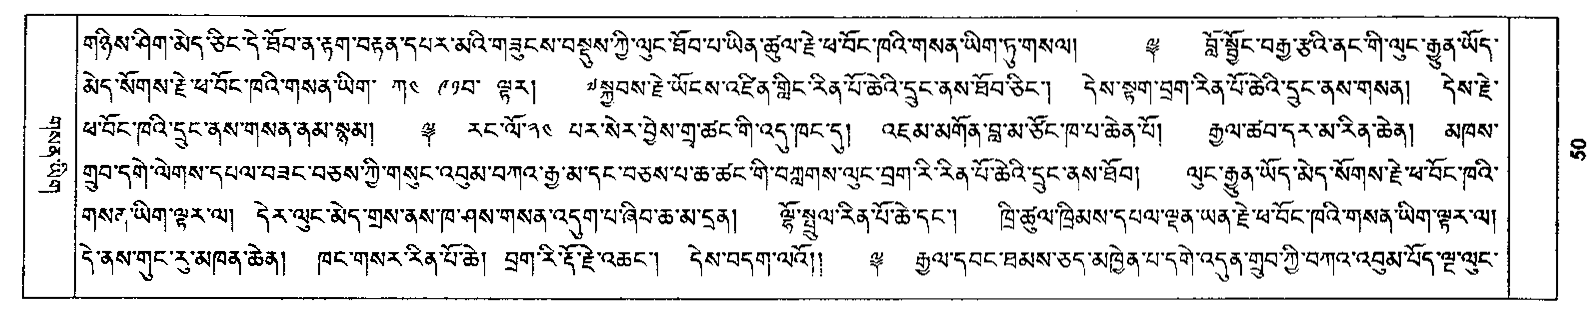གཉིས་ཤིག་མེད་ཅིང་དེ་ཐོབ་ན་རྟག་བརྟན་དཔར་མའི་གཟུངས་བསྡུས་ཀྱི་ལུང་ཐོབ་པ་ཡིན་ཚུལ་རྗེ་ཕ་བོང་ཁའི་གསན་ཡིག་ཏུ་གསལ། ༈ བློ་སྦྱོང་བརྒྱ་རྩའི་ནང་གི་ལུང་རྒྱུན་ཡོད་
མེད་སོགས་རྗེ་ཕ་བོང་ཁའི་གསན་ཡིག་ཀ ༤ ༩༡་བ་ལྟར། ༧སྐྱབས་རྗེ་ཡོངས་འཛིན་གླིང་རིན་པོ་ཆེའི་དྲུང་ནས་ཐོབ་ཅིང་། དེས་སྟག་བྲག་རིན་པོ་ཆེའི་དྲུང་ནས་གསན། དེས་རྗེ་
ཕ་བོང་ཁའི་དྲུང་ནས་གསན་ནམ་སྙམ། ༈ རང་ལོ ༢༤་པར་སེར་བྱེས་གྲྭ་ཚང་གི་འདུ་ཁང་དུ། འཇམ་མགོན་བླ་མ་ཙོང་ཁ་པ་ཆེན་པོ། རྒྱལ་ཚབ་དར་མ་རིན་ཆེན། མཁས་
གྲུབ་དགེ་ལེགས་དཔལ་བཟང་བཅས་ཀྱི་གསུང་འབུམ་བཀའ་རྒྱ་མ་དང་བཅས་པ་ཆ་ཚང་གི་བཀླགས་ལུང་བྲག་རི་རིན་པོ་ཆེའི་དྲུང་ནས་ཐོབ། ལུང་རྒྱུན་ཡོད་མེད་སོགས་རྗེ་ཕ་བོང་ཁའི་
གསན་ཡིག་ལྟར་ལ། དེར་ལུང་མེད་གྲས་ནས་ཁ་ཤས་གསན་འདུག་པ་ཞིབ་ཆ་མ་དྲན། ལྷོ་སྤྲུལ་རིན་པོ་ཆེ་དང་། ཁྲི་ཚུལ་ཁྲིམས་དཔལ་ལྡན་ཡན་རྗེ་ཕ་བོང་ཁའི་གསན་ཡིག་ལྟར་ལ།
དེ་ནས་གུང་རུ་མཁན་ཆེན། ཁང་གསར་རིན་པོ་ཆེ། བྲག་རི་རྡོ་རྗེ་འཆང་། དེས་བདག་ལའོ།། ༈ རྒྱལ་དབང་ཐམས་ཅད་མཁྱེན་པ་དགེ་འདུན་གྲུབ་ཀྱི་བཀའ་འབུམ་པོད་ལྔ་ལུང་